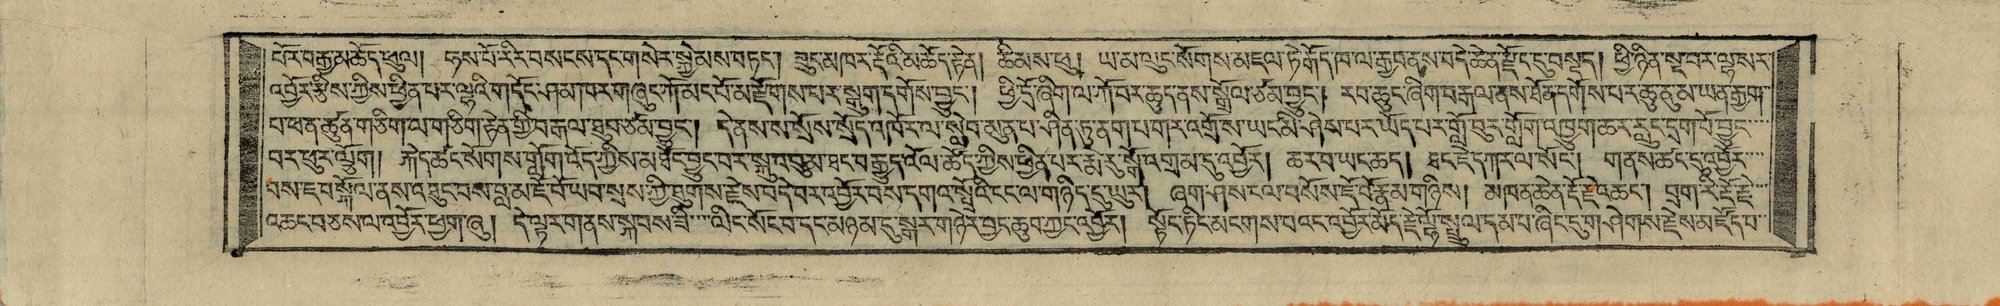པོར་བརྒྱ་མཆོད་ཕུལ། ཧས་པོ་རི་ར་བསངས་དང་གསེར་སྐྱེམས་བཏང་། ཟུང་མཁར་རྡོའི་མཆོད་རྟེན། ཆིམས་ཕུ། ཡ་མ་ལུང་སོགས་མཇལ་ཏེ་རྒོད་ཁ་ལ་རྒྱབ་ནས་བདེ་ཆེན་རྫོང་དུ་བསྡད། ཕྱི་ཉིན་སྔ་བར་ལྷ་སར་
འབྱོར་རྩིས་ཀྱིས་ཕྱིན་པར་ལྷའི་གདོང་ཤམ་ཁར་གཞུང་ཀོ་མང་པོ་མ་རྫོགས་པར་སྒུག་དགོས་བྱུང་། ཕྱི་དྲོ་ཞིག་ལ་ཀོ་བར་ཆུད་ནས་སྒྲོལ་ཙམ་བྱུང་། རབ་ཆུང་ཞིག་བརྒལ་ནས་ཐོན་དགོས་པར་ཆུ་ནུ་མ་ཡན་རྒྱག་
པ་ཕན་ཚུན་གཅིག་ལ་གཅིག་རྟེན་གྱི་བརྒལ་ཐུབ་ཙམ་བྱུང་། དེ་ནས་ས་སྲོས་སྲོད་འཁོར་ལ་སླེབ་མུན་པ་ཤིན་ཏུ་ནག་པ་གར་འགྲོ་ས་ཡང་མི་ཤེས་པར་ཡོད་པར་གློ་བུར་གློག་འཁྱུག་ཆར་རླུང་དྲག་པོ་བྱུང་
བར་ཕུར་ལྕོག །རྐེད་ཚང་སོགས་གློག་འོད་ཀྱིས་མཐོང་བྱུང་བར་སྐུ་འབུམ་ཐང་བརྒྱུད་འོལ་ཚོད་ཀྱིས་ཕྱིན་པར་རྨེ་རུ་སྒོ་འགྲམ་དུ་འབྱོར། ཆར་བ་ཡང་ཆད། ཐང་ཇེ་དཀར་ལ་སོང་། གནས་ཚང་དུ་འབྱོར་
བས་ཇ་བསྐོལ་ནས་འཐུང་བས་བླ་མ་ཇོ་བོ་ཡབ་སྲས་ཀྱི་ཐུགས་རྗེས་བདེ་བར་འབྱོར་བས་དགའ་སྤྲོའི་ངང་ལ་གཉིད་དུ་ཡུར། ཞག་ཤས་ངལ་བསོས་ཇོ་བོ་རྣམ་གཉིས། མཁན་ཆེན་རྡོ་རྗེ་འཆང་། བྲག་རི་རྡོ་རྗེ་
འཆང་བཅས་ལ་འབྱོར་ཕྱག་ཞུ། དེ་ལྟར་གནས་སྐབས་ཟི་ལིང་སོང་བ་དང་མཉམ་དུ་སྒར་གཉེར་བྱང་ཆུབ་ཀྱང་འབྱོར། སྟོང་ཏིང་མངགས་པའང་འབྱོར་མོད་རྗེ་ལྷོ་སྤྲུལ་དམ་པ་ཞིང་དུ་གཤེགས་རྗེས་མཛོད་པ་